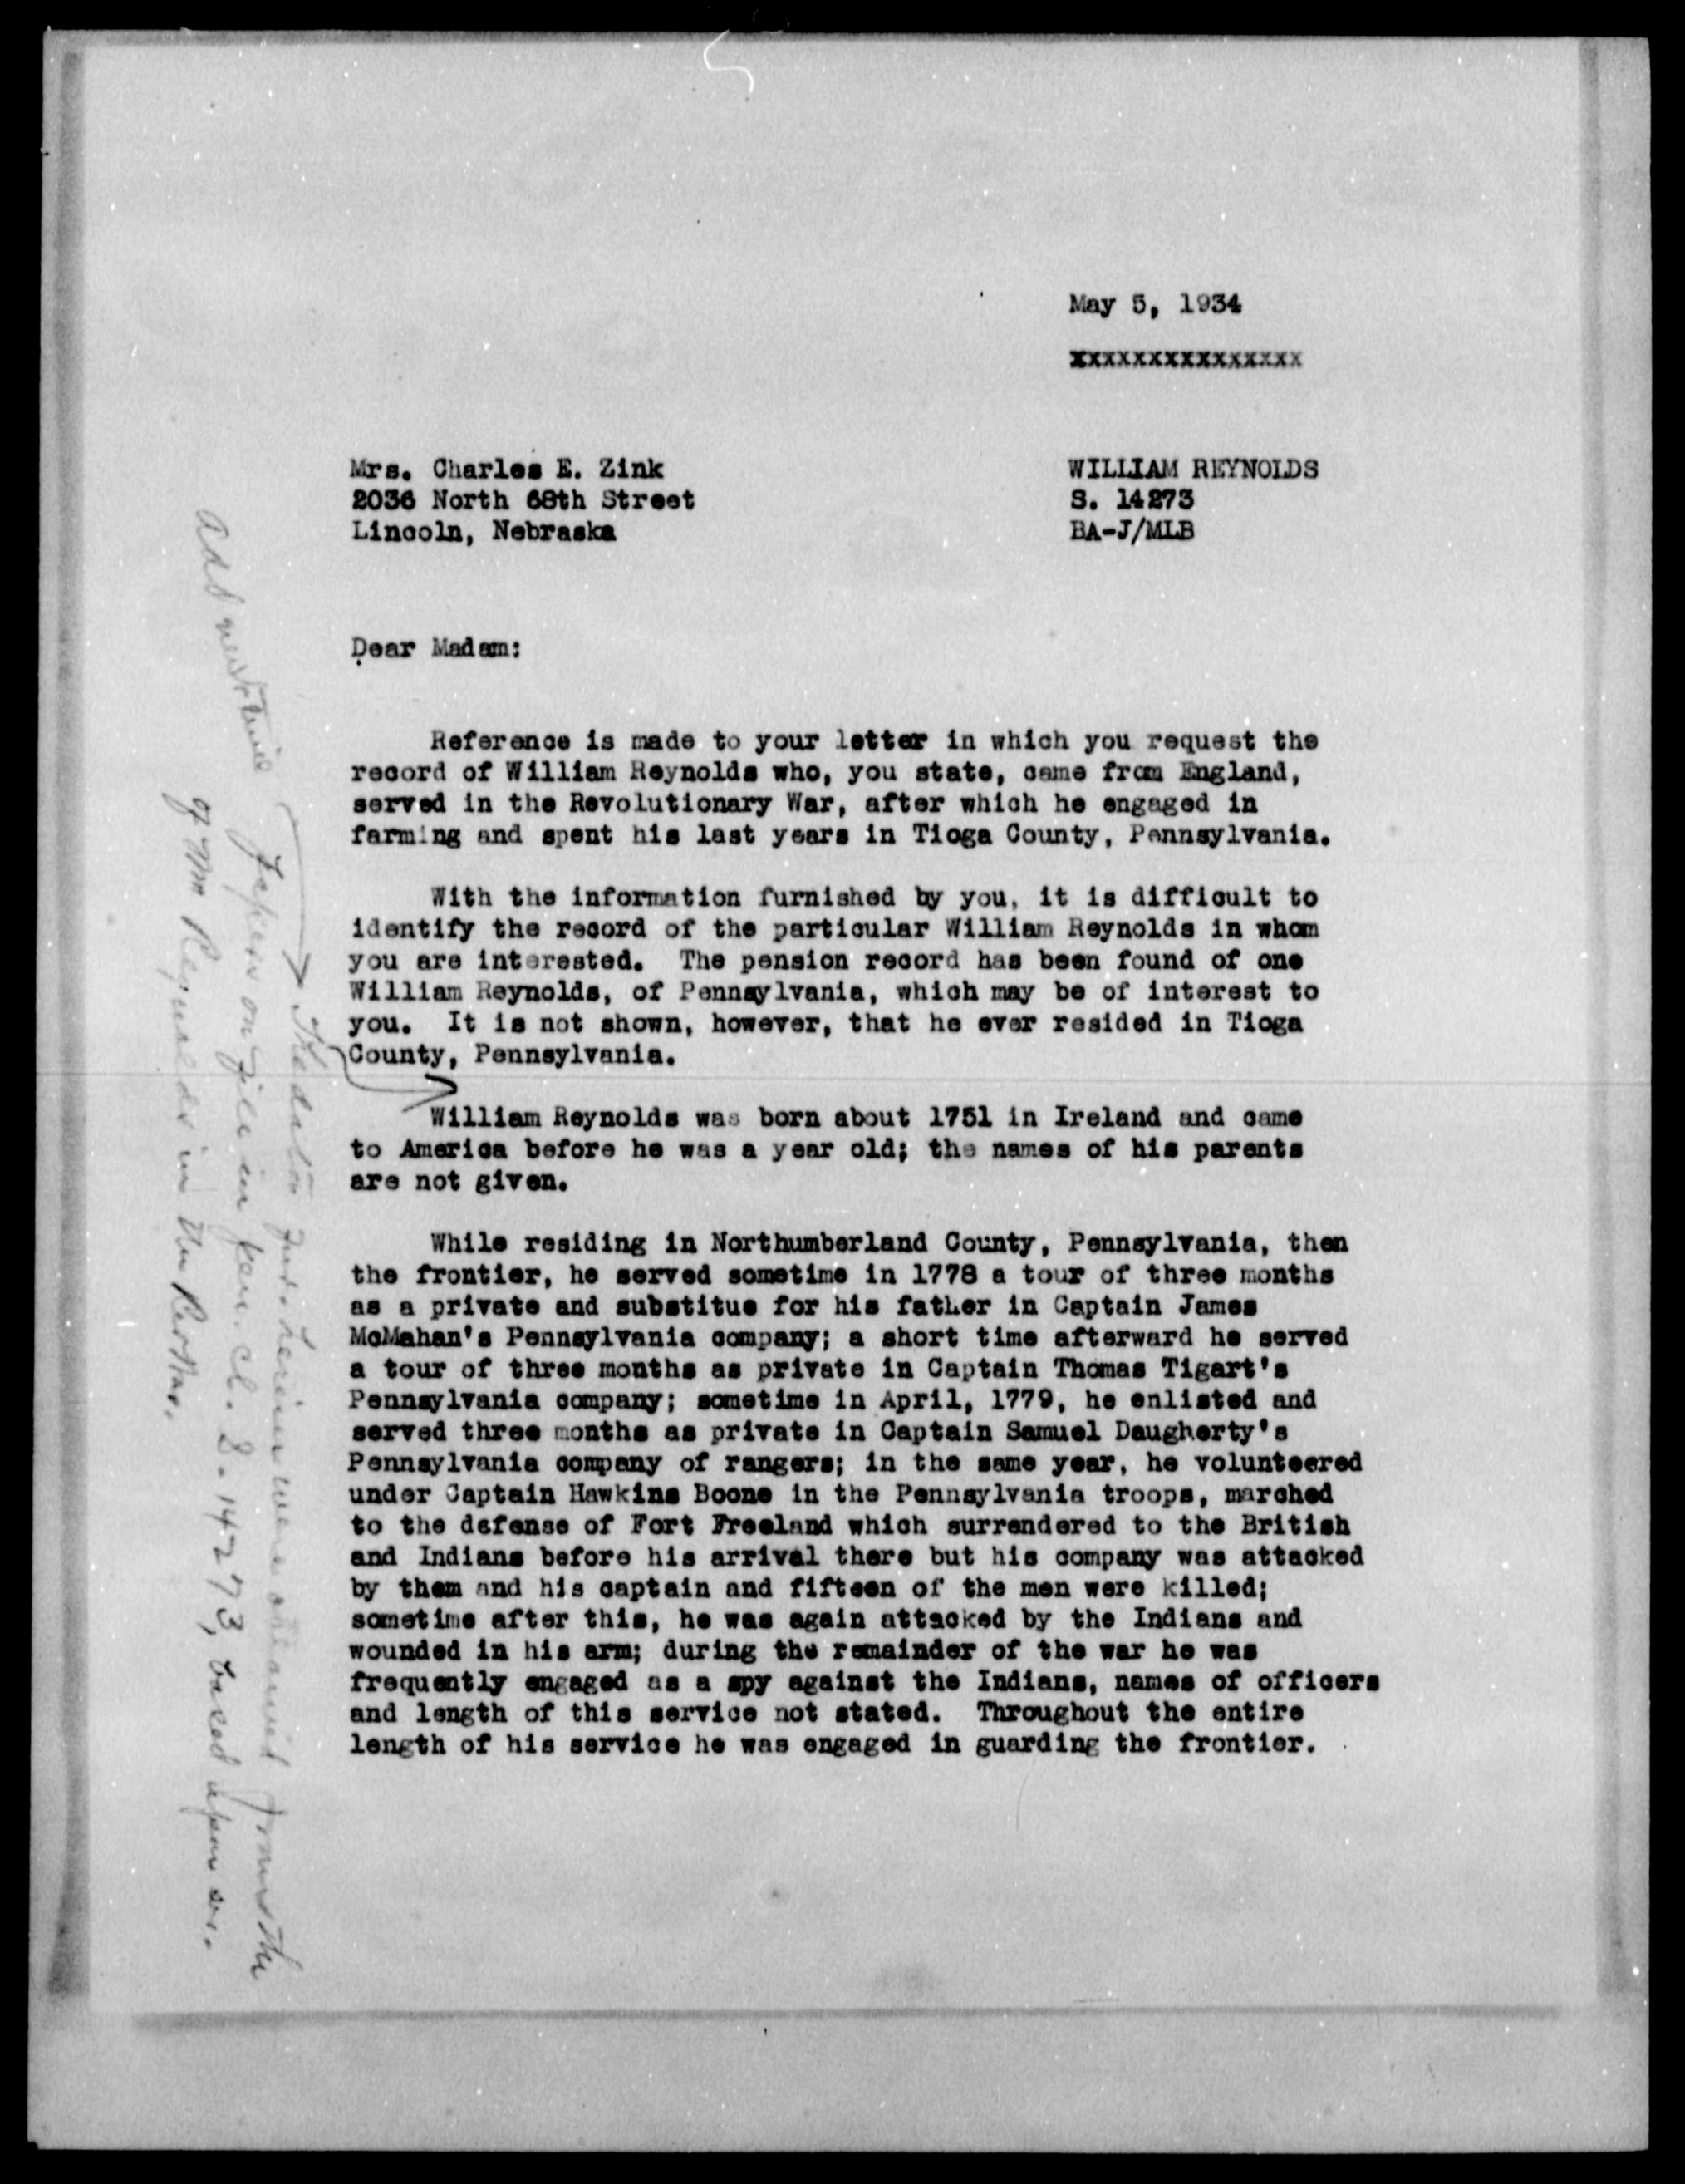May 5, 1934
XXXXXXXXXXXXXXX

Mrs. Charles E. Zink
2036 North 68th Street
Lincoln, Nebraska
Dear Madam:

WILLIAM REYNOLDS
S. 14273
BA-J/MLB

Dear Madam:
Reference is made to your letter in which you request the
record of William Reynolds who, you state, came from England,
served in the Revolutionary War, after which he engaged in
farming and spent his last years in Tioga County, Pennsylvania.
With the information furnished by you, it is difficult to
identify the record of the particular William Reynolds in whom
you are interested. The pension record has been found of one
William Reynolds, of Pennsylvania, which may be of interest to
you. It is not shown, however, that he ever resided in Tioga
County, Pennsylvania.

Add new and revised - The data herein were obtained from the papers on file in 
[ ] Ch. 8 - 14273, based upon date of Wm.  Reynolds in the Rev. war


William Reynolds was born about 1751 in Ireland and came to
America before he was a year old; the names of his parents
are not given.
While residing in Northumberland County, Pennsylvania, then
the frontier, he served sometime in 1778 a tour of three months
as a private and substitute for his father in Captain James
McMahan's Pennsylvania company; a short time afterward he served
a tour of three months as private in Captain Thomas Tigart's
Pennsylvania company; sometime in April, 1779, he enlisted and
served three months as private in Captain Samuel Daugherty's
Pennsylvania company of rangers; in the same year, he volunteered
under Captain Hawkins Boone in the Pennsylvania troops, marched
to the defense of Fort Freeland which surrendered to the British
and Indians before his arrival there but his company was attacked
by them and his captain and fifteen of the men were killed;
sometime after this, he was again attacked by the Indians and
wounded in his arm; during the remainder of the war he was
frequently engaged as a spy against the Indians, names of officers
and length of this service not stated. Throughout the entire
length of his service he was engaged in guarding the frontier.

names: William Reynolds; Hawkins Boone; William Reynolds; William Reynolds; William Reynolds; Wm Reynolds; Charles E Zink; William Reynolds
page: 12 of 19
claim: survivor's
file: S. 14,273, for William Reynolds, Pennsylvania